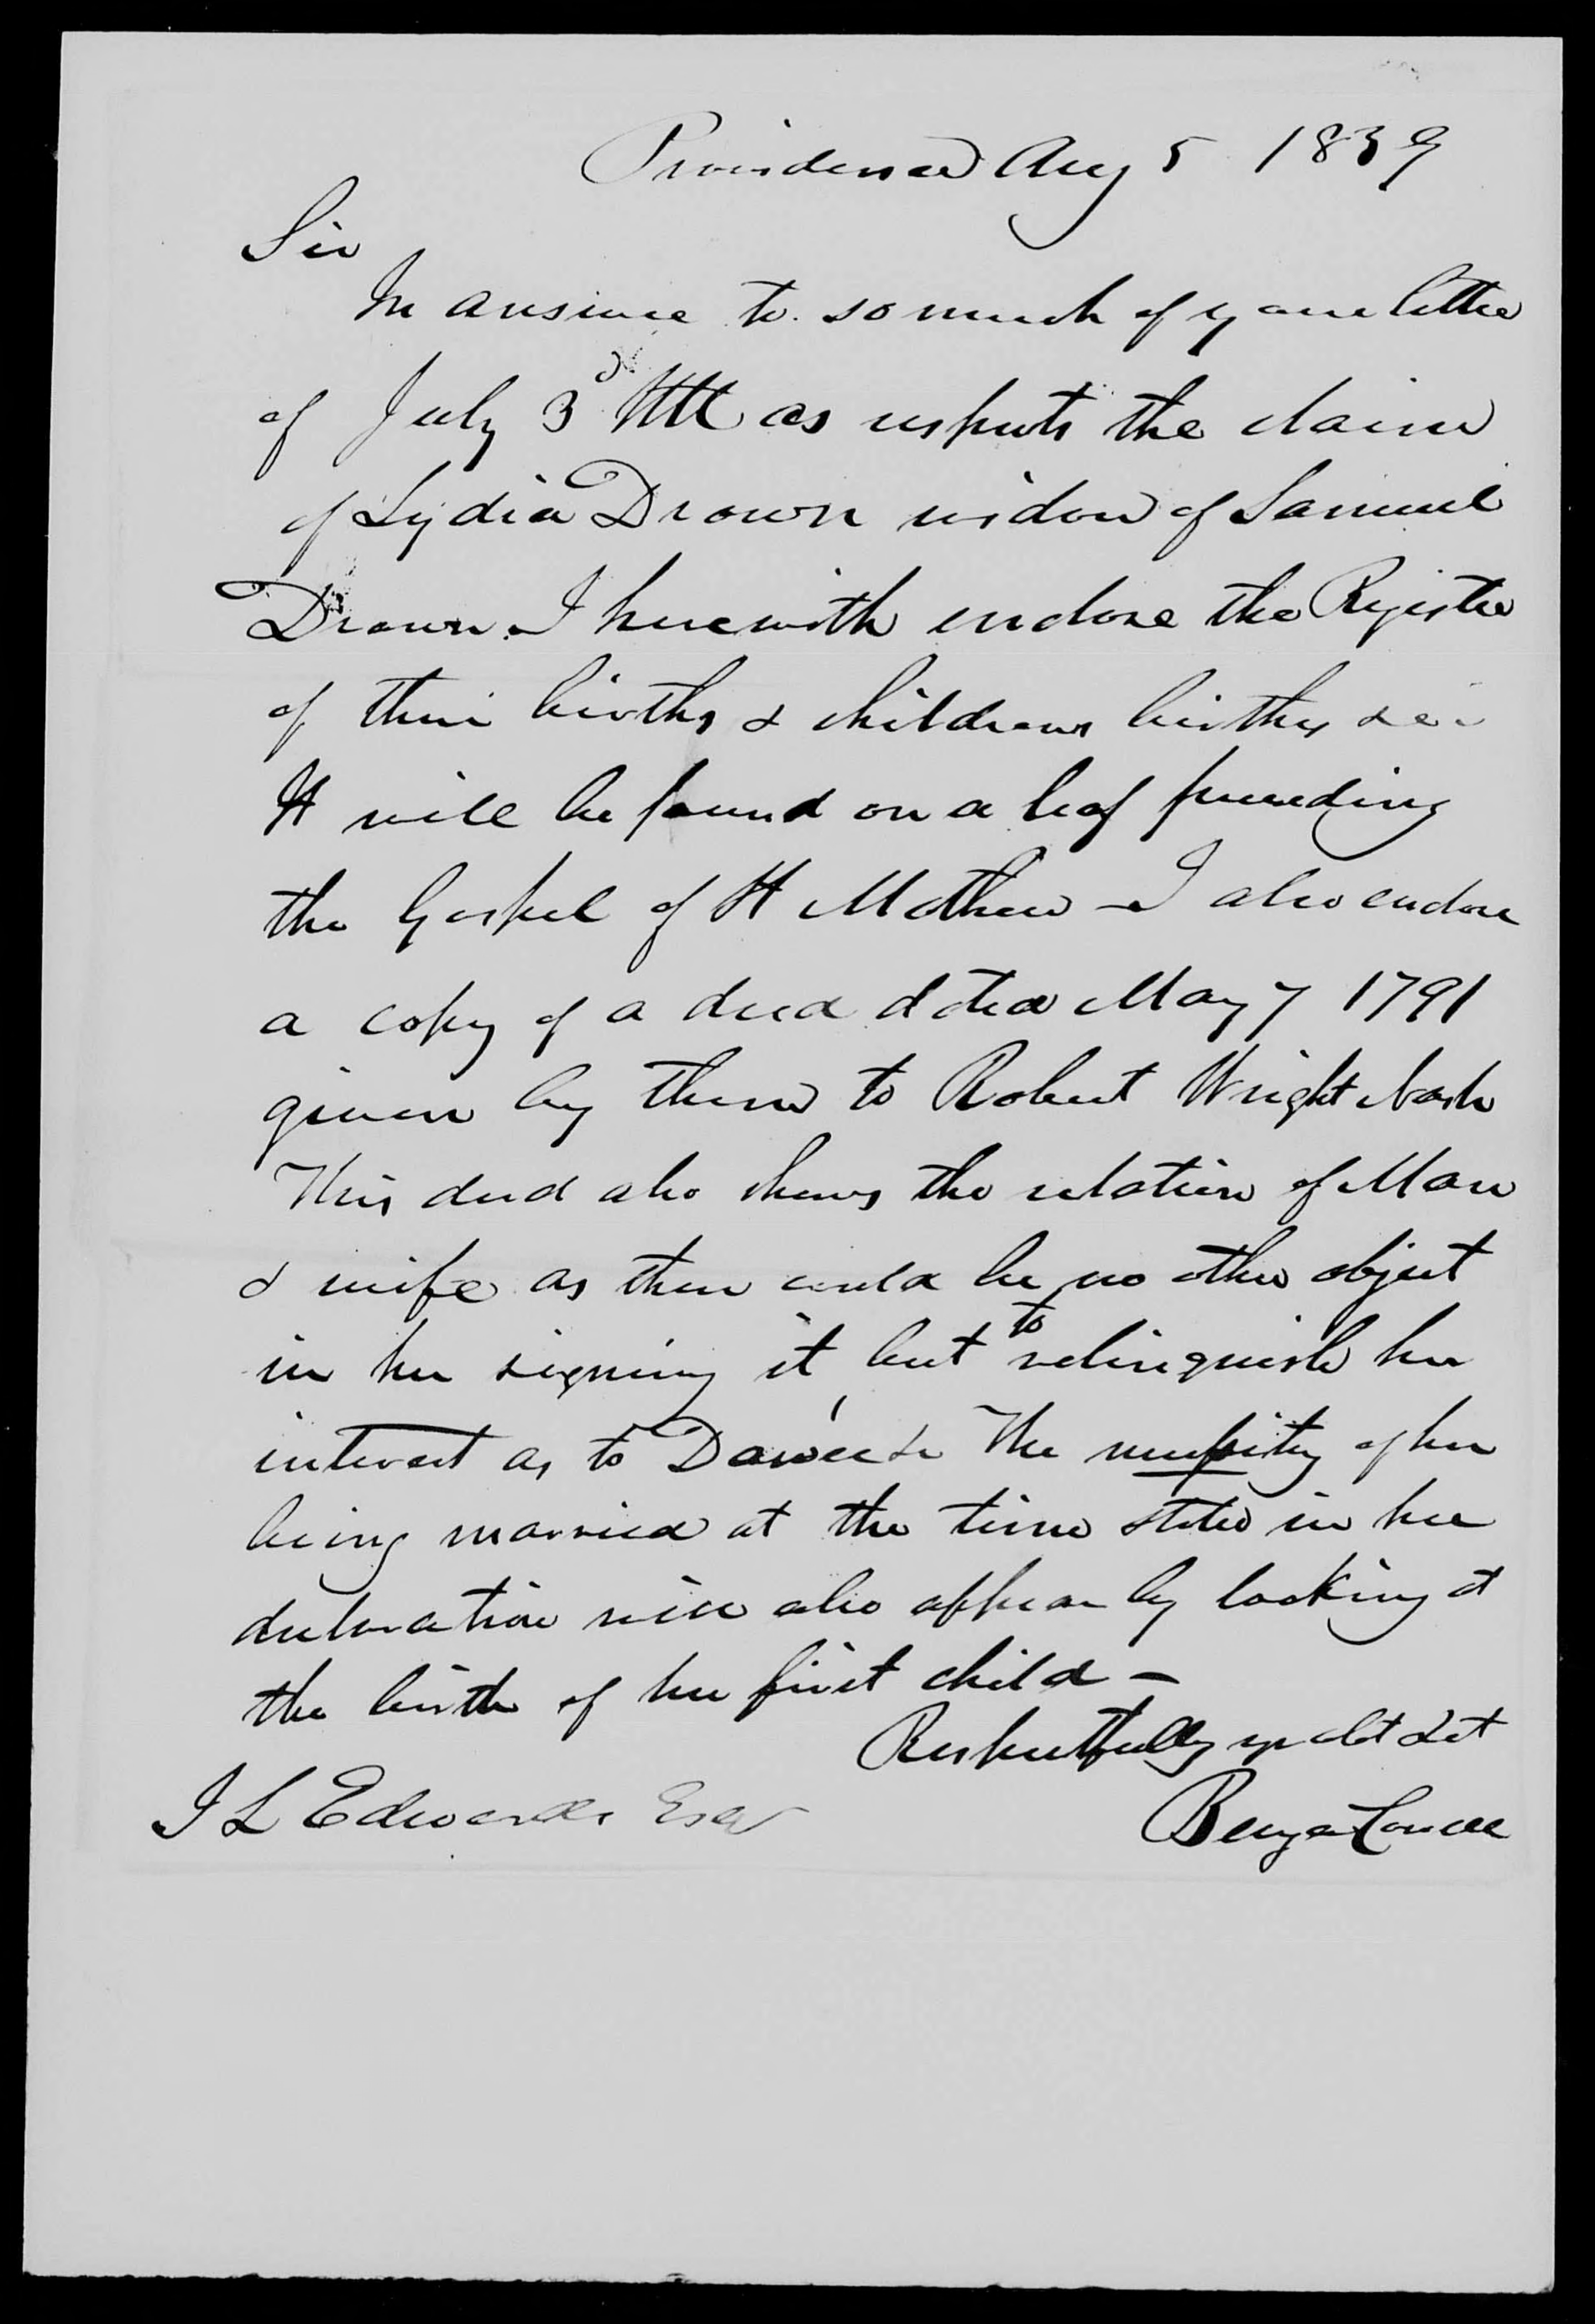Providence Aug 5 1839

Sir
In answer to so much of your letter
of July 3 [illegible] as respects the claim
of Lydia Drown widow of Samuel
Drown I herewith enclose the Register
of their births & childrens birth [illegible] 
It will be found on a leaf preceding
the Gospel of H Mathew. I also enclose
a copy of a deed dated May 7 1791
given by them to Robert Wright Nash
This deed who shews the relation of Man & 
wife as there could be no other object
in her signing it but to relinquish her
interest as to Davis for the reciprocity of her
being married at the time stated in her
declaration will also appear by looking at
the birth of her first child-

Respectfully [illegible]
Benja Cowell
J L Edwards Esq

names: H Mathew, Robert Wright Nash, Benja Cowell, Lydia Drown, Drown, Samuel Drown, J L Edwards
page: 31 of 31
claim: widow's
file: W 21004, Samuel Drown, R.I.